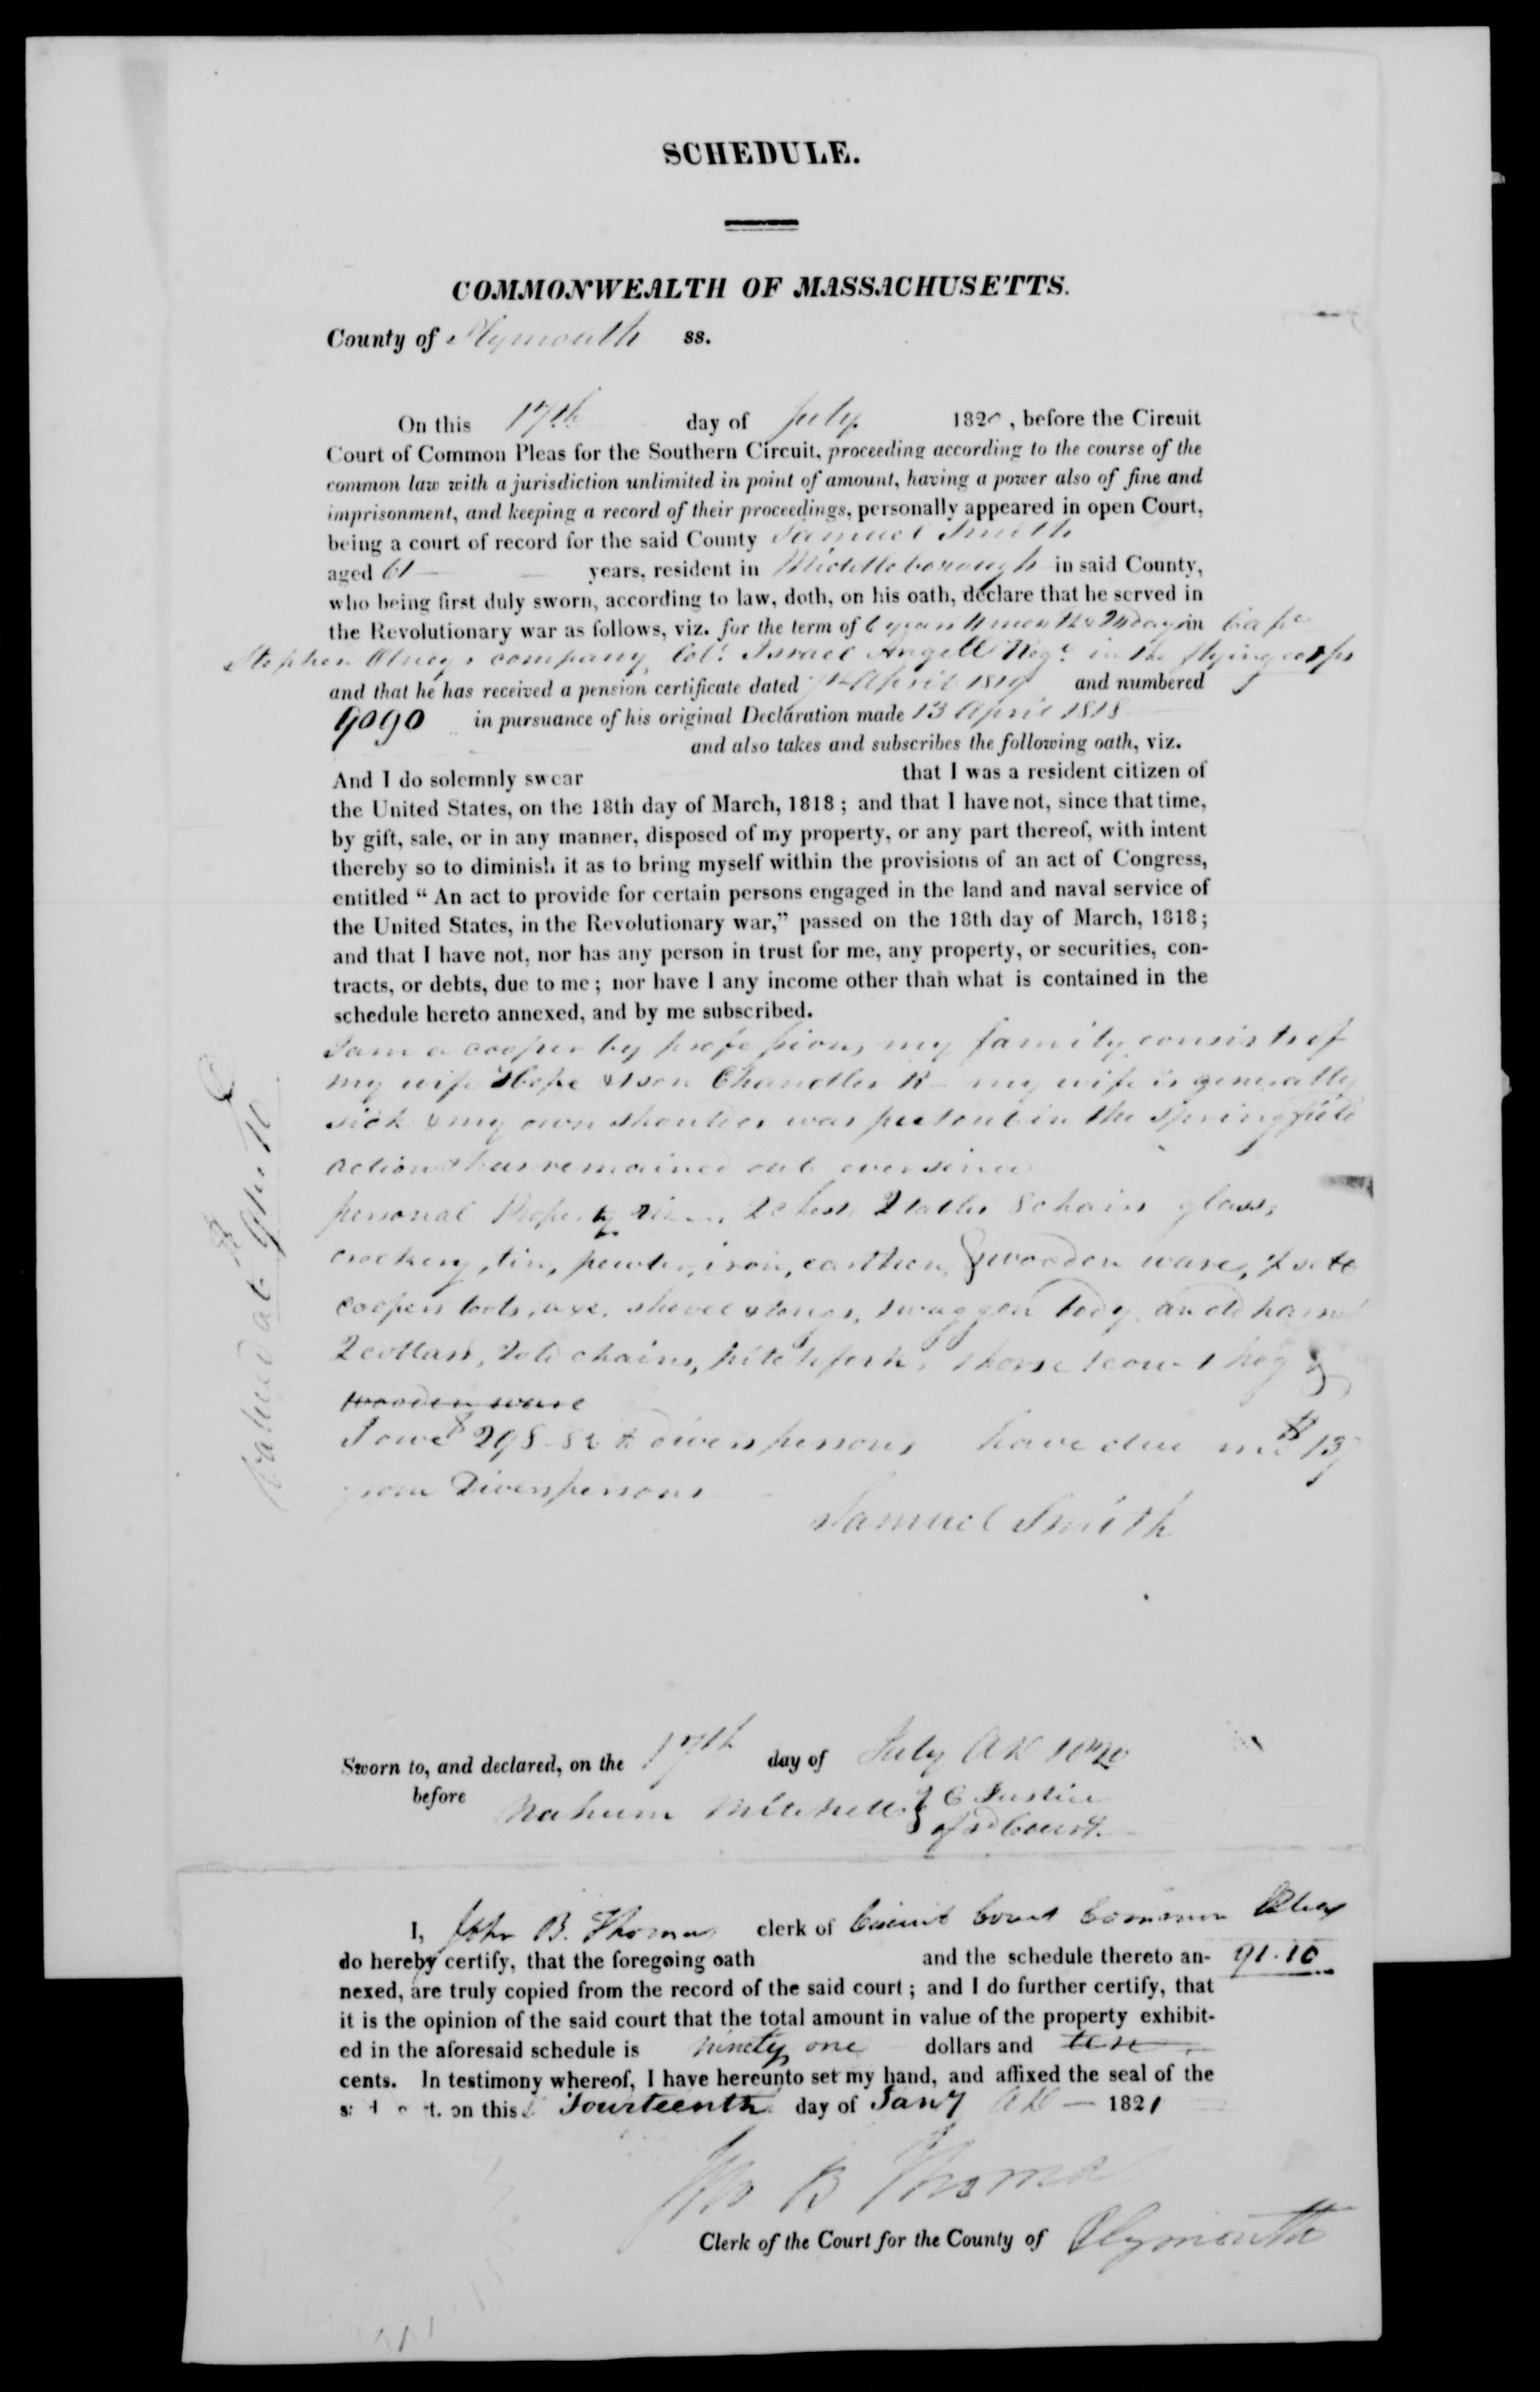SCHEDULE
COMMONWEALTH OF MASSACHUSETTS
County of Plymouth ss.
    On this 17th day of July 1820, before the Circuit Court of Common Pleas for the Southern Circuit, proceeding according to the course of the common law with a jurisdiction unlimited in point of amount, having power also of fine and imprisonment, and keeping a record of their proceedings, personally appeared in open Court, being a court of record for the said County Samuel Smith aged 61 years, resident in Middleborough in said County, who being first duly sworn, according to law, doth, on his oath, declare that he served in the Revolutionary war as follows, viz.  for the term of 6 years 11 months 
24 days in Capt Stephen Olney's company, Col Israel Angell Reg and in the flying [illegible] and that he received a pension certificate dated 7th April 1819 and numbered 9090 in pursuance of his original Declaration made 13 April 1818 and also takes and subscribes the following oath, viz. 
And I do solemnly swear that I was a resident citizen of the United States, on the 18th day of March, 1818; and that I have not, since that time, by gift, sale, or in any manner, disposed of my property, or any part thereof, with intent thereby to diminish it as to bring myself within the provisions of an act of Congress, entitled "An act to provide for certain persons engaged in the land and naval service of the United States, in the Revolutionary war," passed on the 18th day of March, 1818; and that I have not, nor has any person in trust for me, any property or securities, contracts, or debs, due to me; nor have I any income other than what is contained in the schedule hereto annexed, and by me subscribed.
I am a cooper by profession, my family consists of my wife Hope and son Chandler R, my wife is generally sick and my own shoulder was put out in the Springfield action and has remained out ever since
personal property vis. 2 chest, 2 tables, 8 chairs glass cookery, tin, pewter, iron earthen,  and wooden ware, of which coopers tools, axe, shovel and tongs, 1 waggon  body, and hand 2 collars, [illegible] chains, pitchfork,  1 horse 1 cow 1 hog
I owe $298.82 to divers persons, have  due to me $137 from diverse persons.
Samuel Smith
Sworn to, and declared, on the 17th day of July AD 1820
before Nahum Mitchell { C Justice of said Court
I, John B. Thomas clerk of Circuit Court of common Pleas do hereby certify, that the foregoing oath and the schedule thereto to 9090 annexed, are truly copied from the record of the said court; and I do further certify, that it is the opinion of the said court that the total amount in value of the property exhibited in the aforesaid schedule is ninety one dollars and ten cents.  In testimony whereof, I have hereunto set my hand, and affixed the seal of the said court on this Fourteenth day of Jany AD 1820
Jno B. Thomas
Clerk of the Court for the County of Plymouth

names: Samuel Smith; Samuel Smith; Nahum Mitchell; John B Thomas; Jno B Thomas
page: 9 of 14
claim: survivor's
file: S. 34,487, for Samuel Smith, Rhode Island